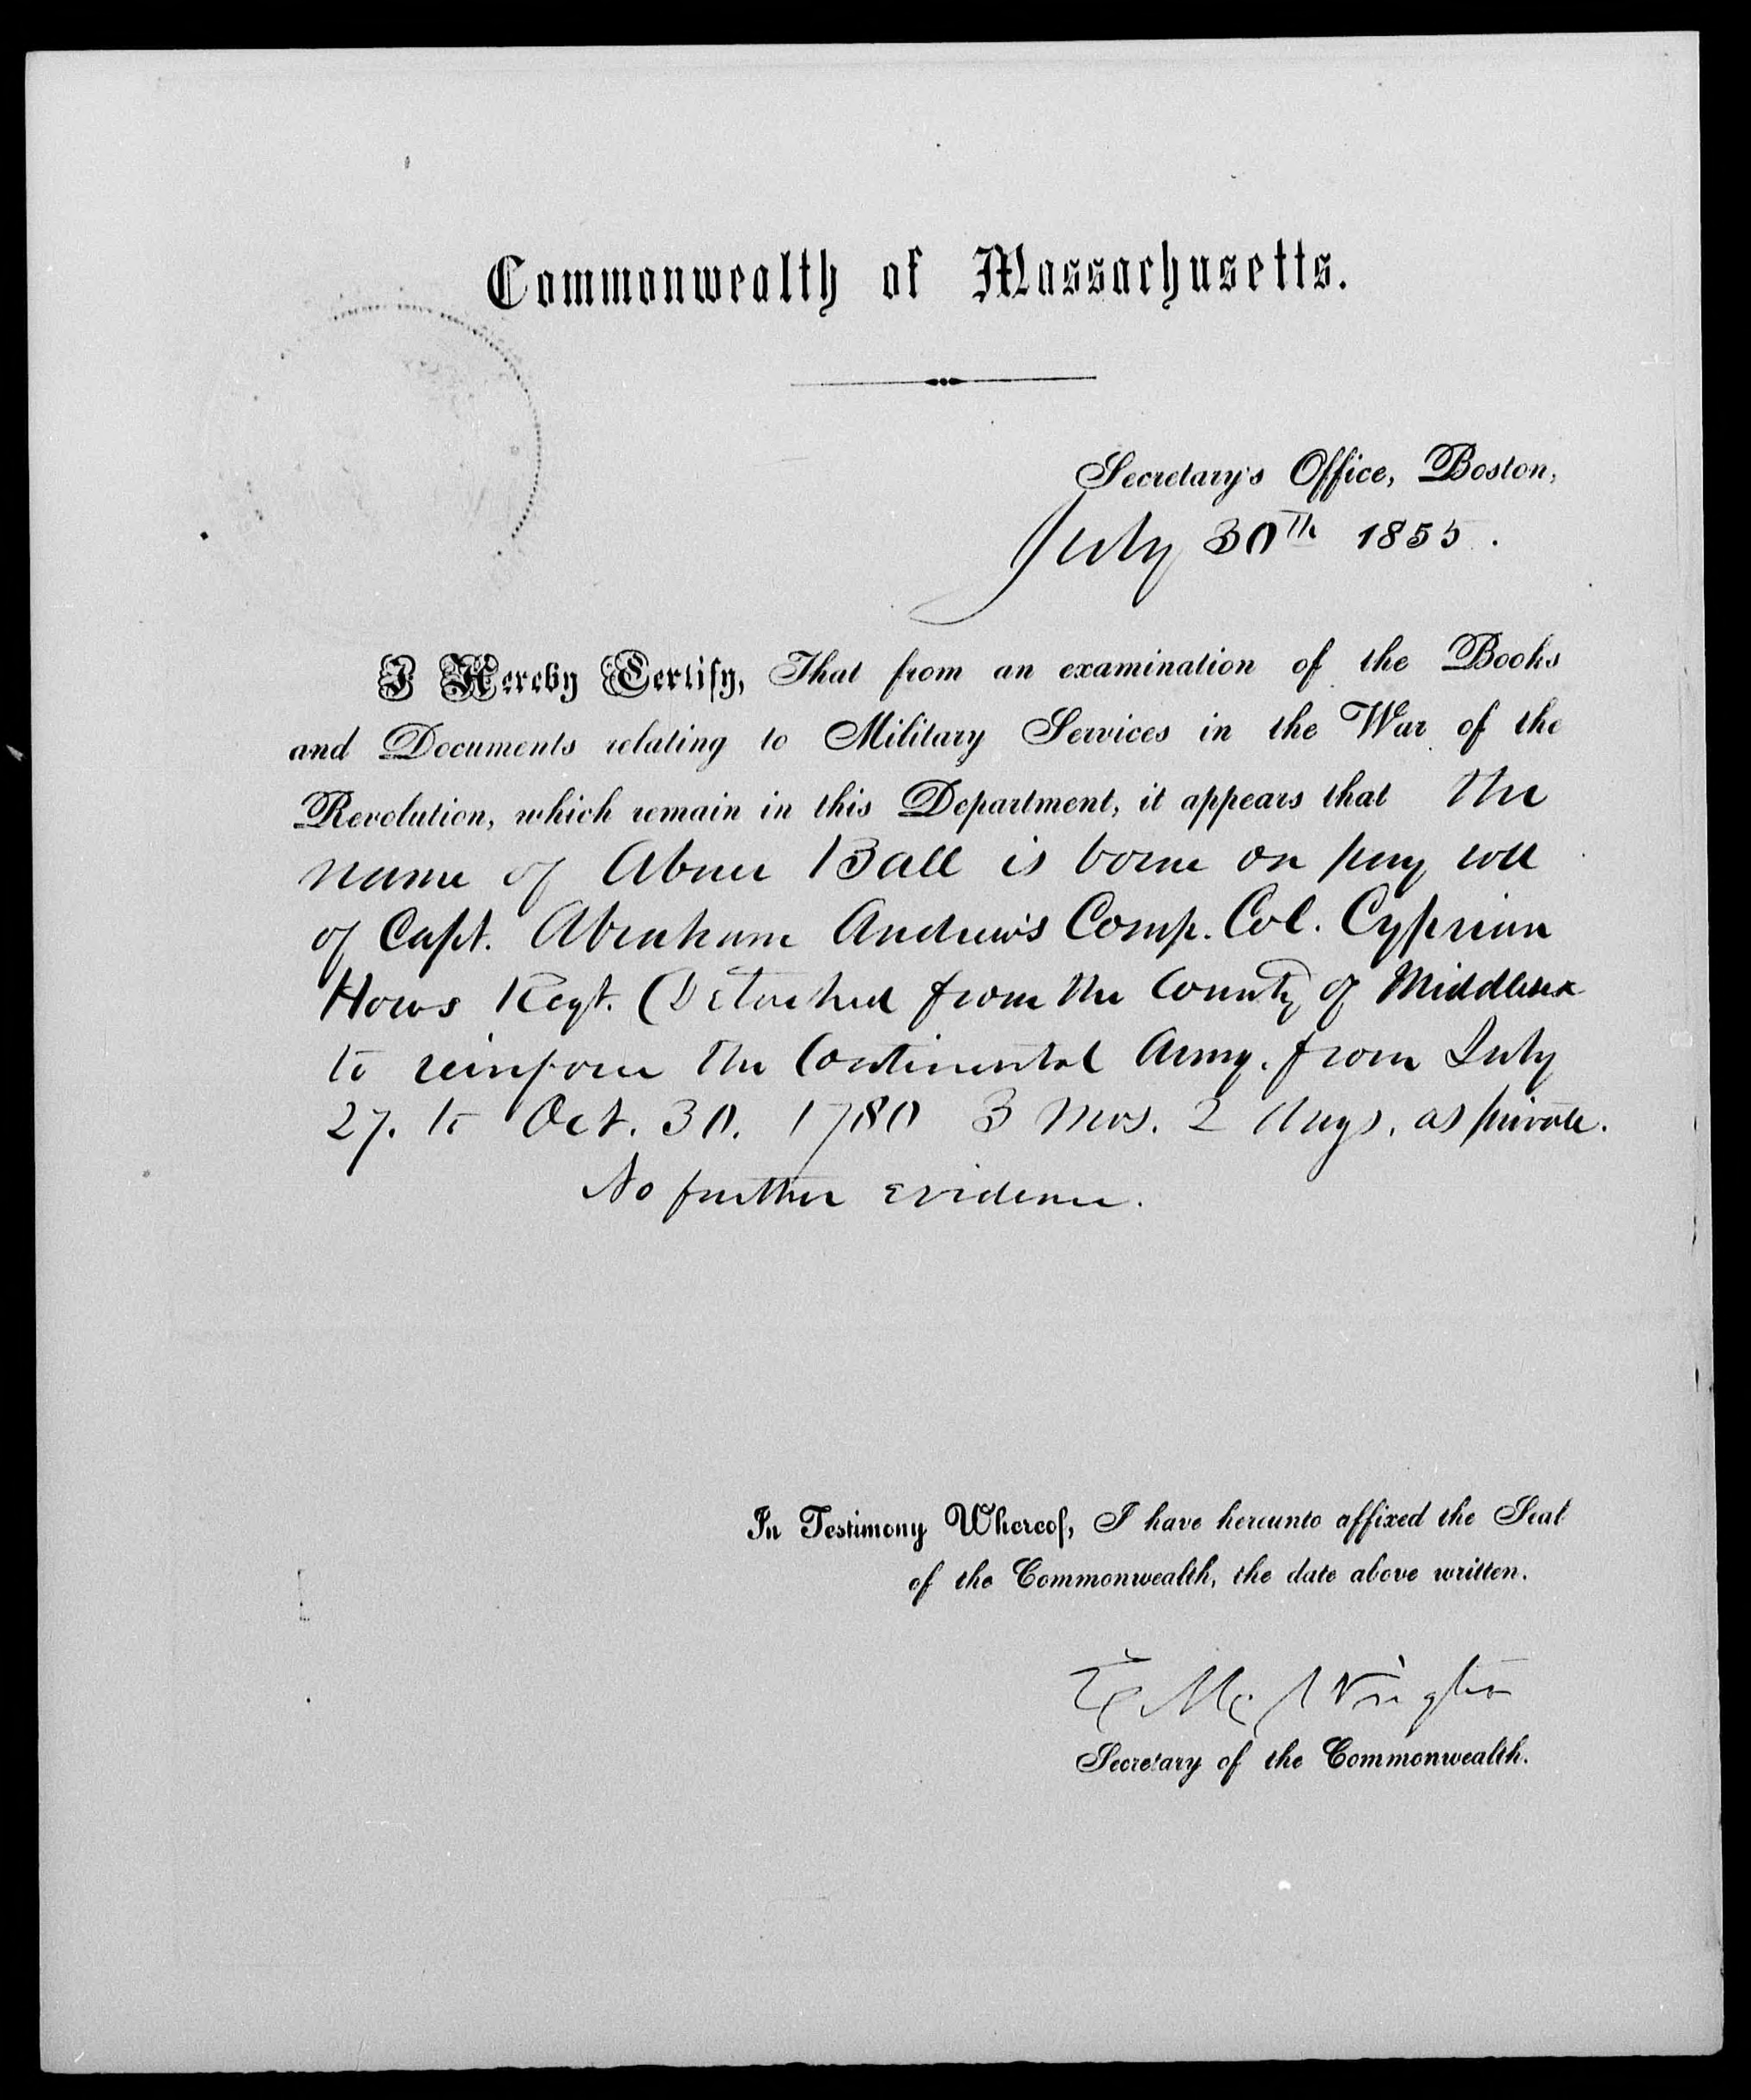Commonwealth of Massachusetts
Secretary's Office, Boston,
July 30th 1855
I Hereby Certify, That from an examination of the Books 
and Documents relating to Military Services in the War of the 
Revolution, which remain in this Department, it appears that the
name of Abner Ball is born on pay roll 
of Capt. Abraham Andrew's Comp. Col. Cyprian 
How's Regt. (Detached from the County of Middlesex
to reinforce the Continental Army, from July 
27. to Oct. 30. 1780 3 mos. 2 days, as private
No further evidence.
In Testimony Whereof, I have hereunto affixed the Seat 
of the Commonwealth, the date above written
Secretary of the Commonwealth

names: E M Wright, Abner Ball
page: 15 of 16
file: B. L. Wt, 36670-160-55, Abner Ball, Mass.